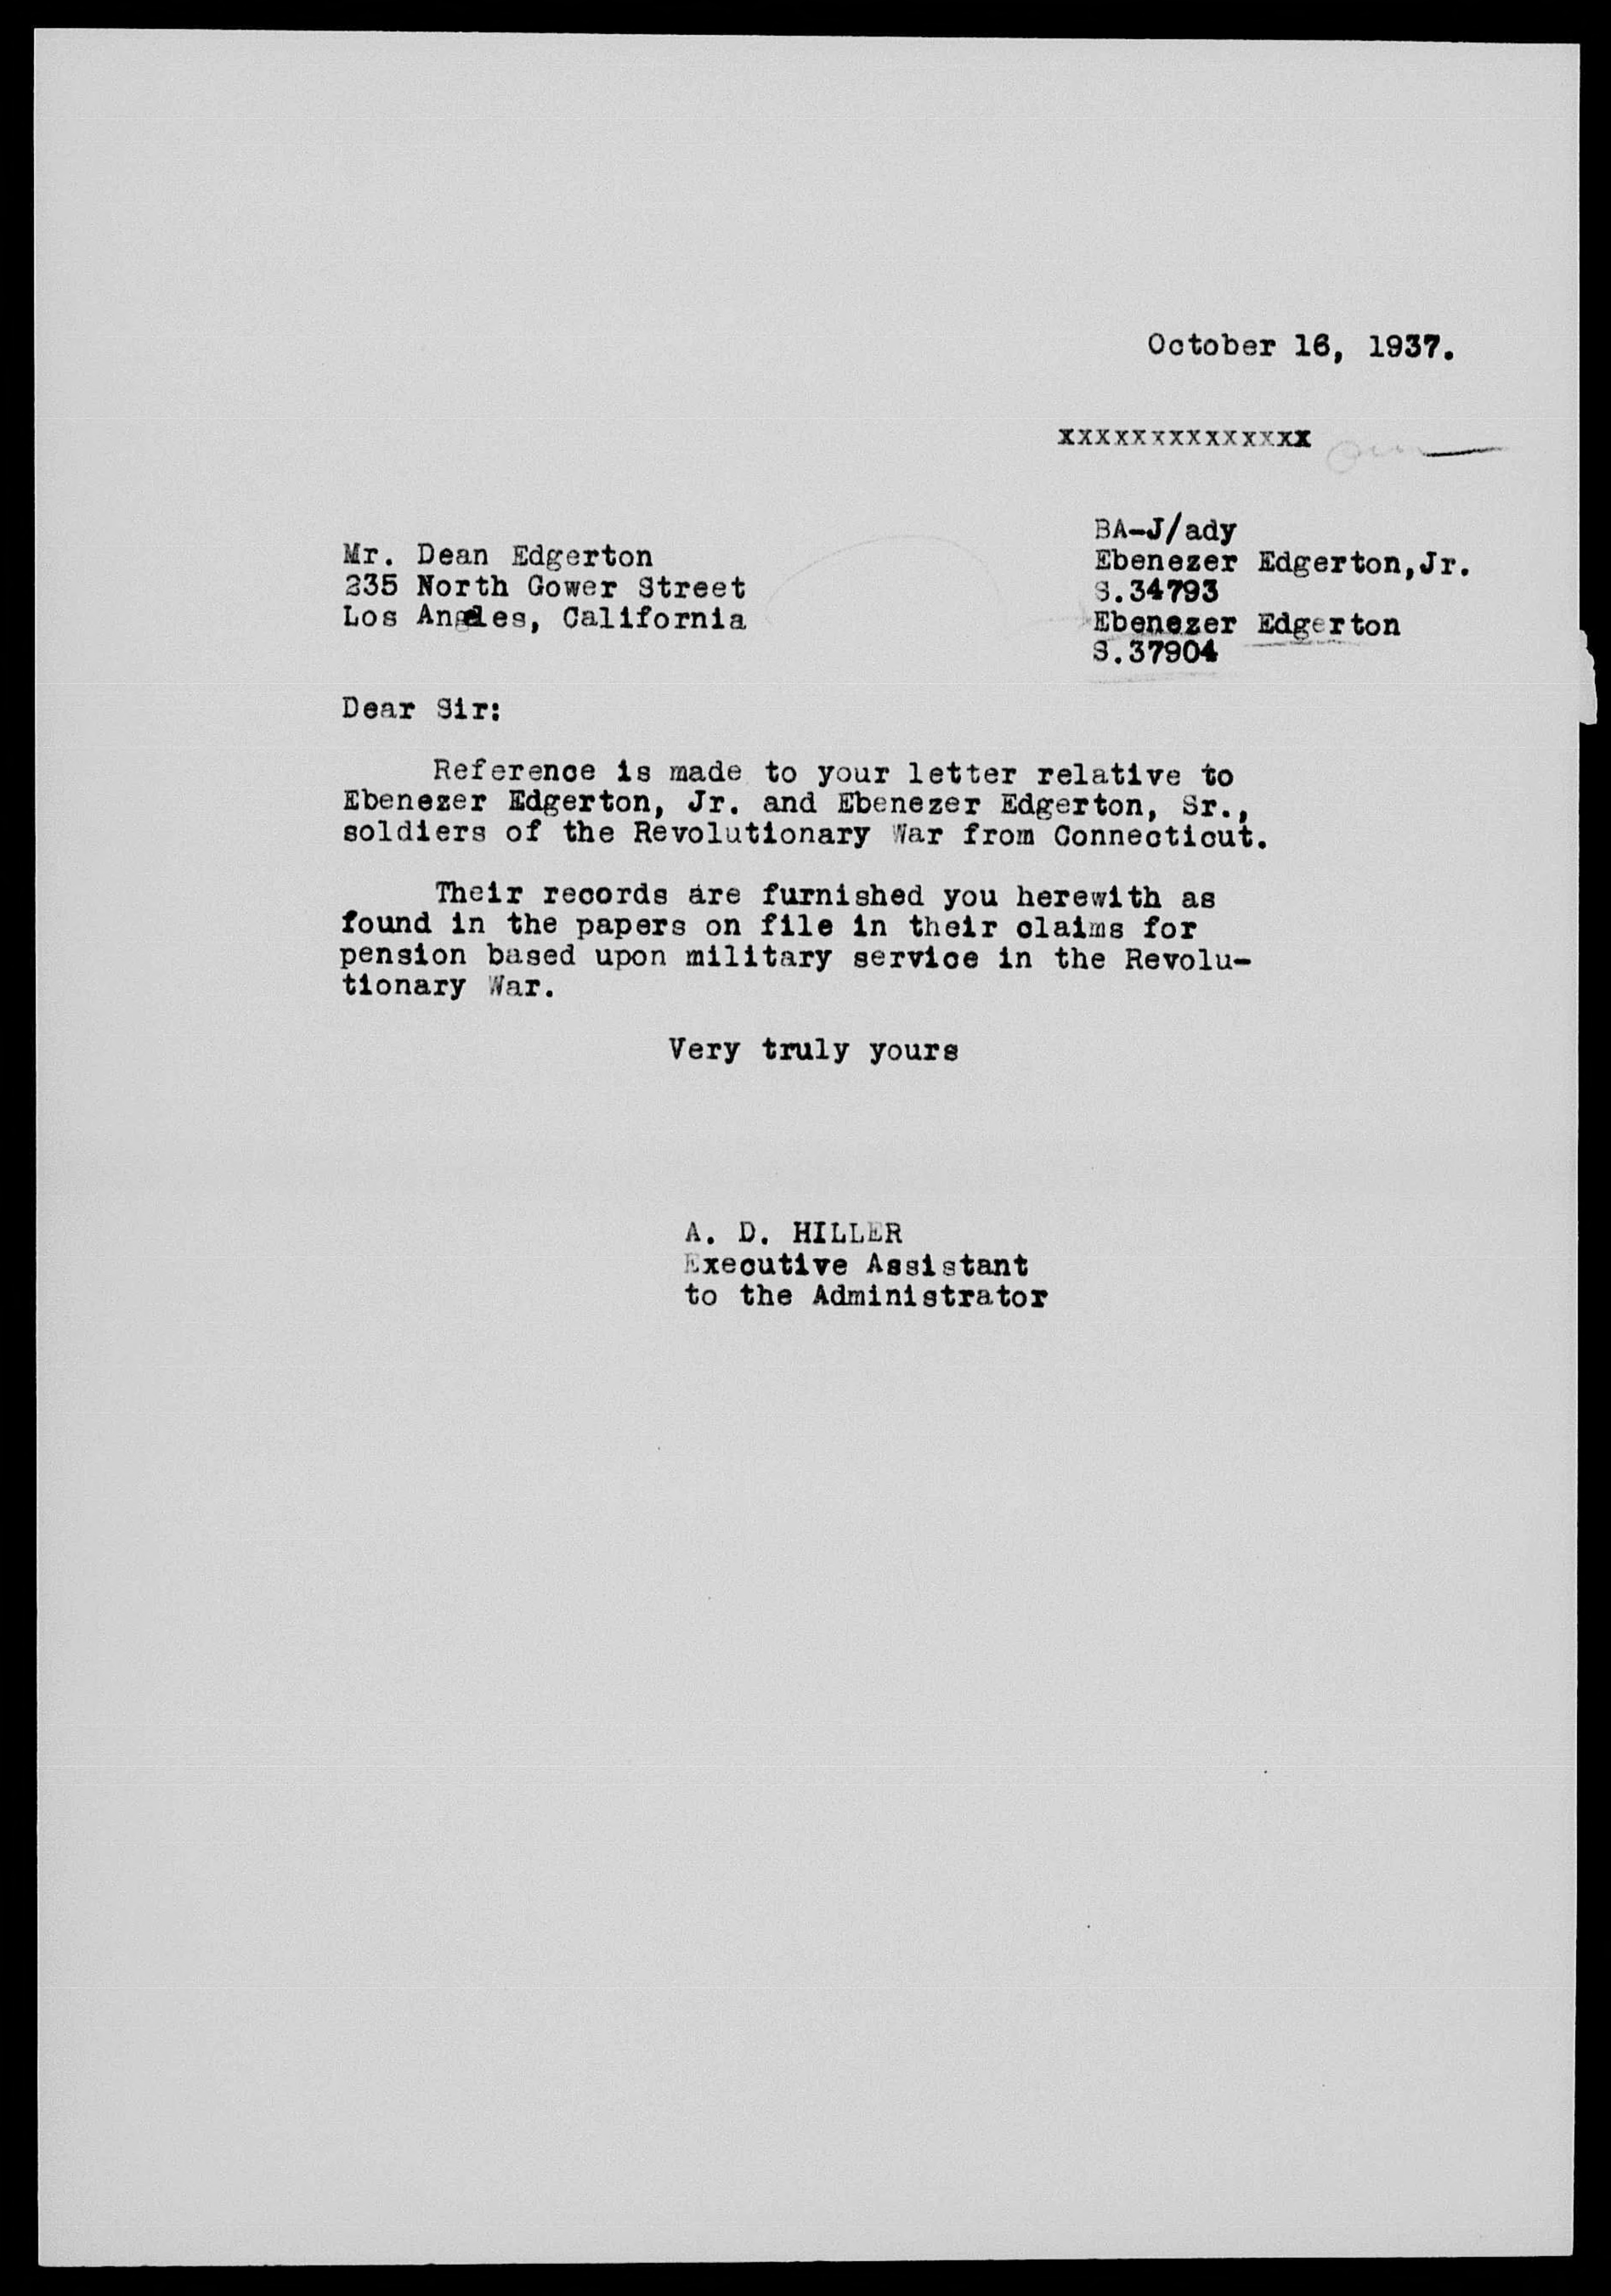October 16, 1937.

xxxxxxxxxxxxxx

Mr. Dean Edgerton
235 North Gower Street
Los Angeles, California

BA-J/ady
Ebenezer Edgerton, Jr.
S.34793
Ebenezer Edgerton
S.37904

Dear Sir:

Reference is made to your letter relative to Ebenezer Edgerton, Jr. and Ebenezer Edgerton, Sr., soldiers of the Revolutionary War from Connecticut.

Their records are furnished you herewith as found in the papers on file in their claims for pension based upon military service in the Revolutionary War.

Very truly yours

A. D. HILLER
Executive Assistant
to the Administrator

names: Ebenezer Edgerton, Ebenezer Edgerton, Dean Edgerton, Ebenezer Edgerton, A D Hiller, Ebenezer Edgerton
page: 18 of 18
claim: survivor's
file: S. 37,904, Ebenezer Edgerton, [BLANK]